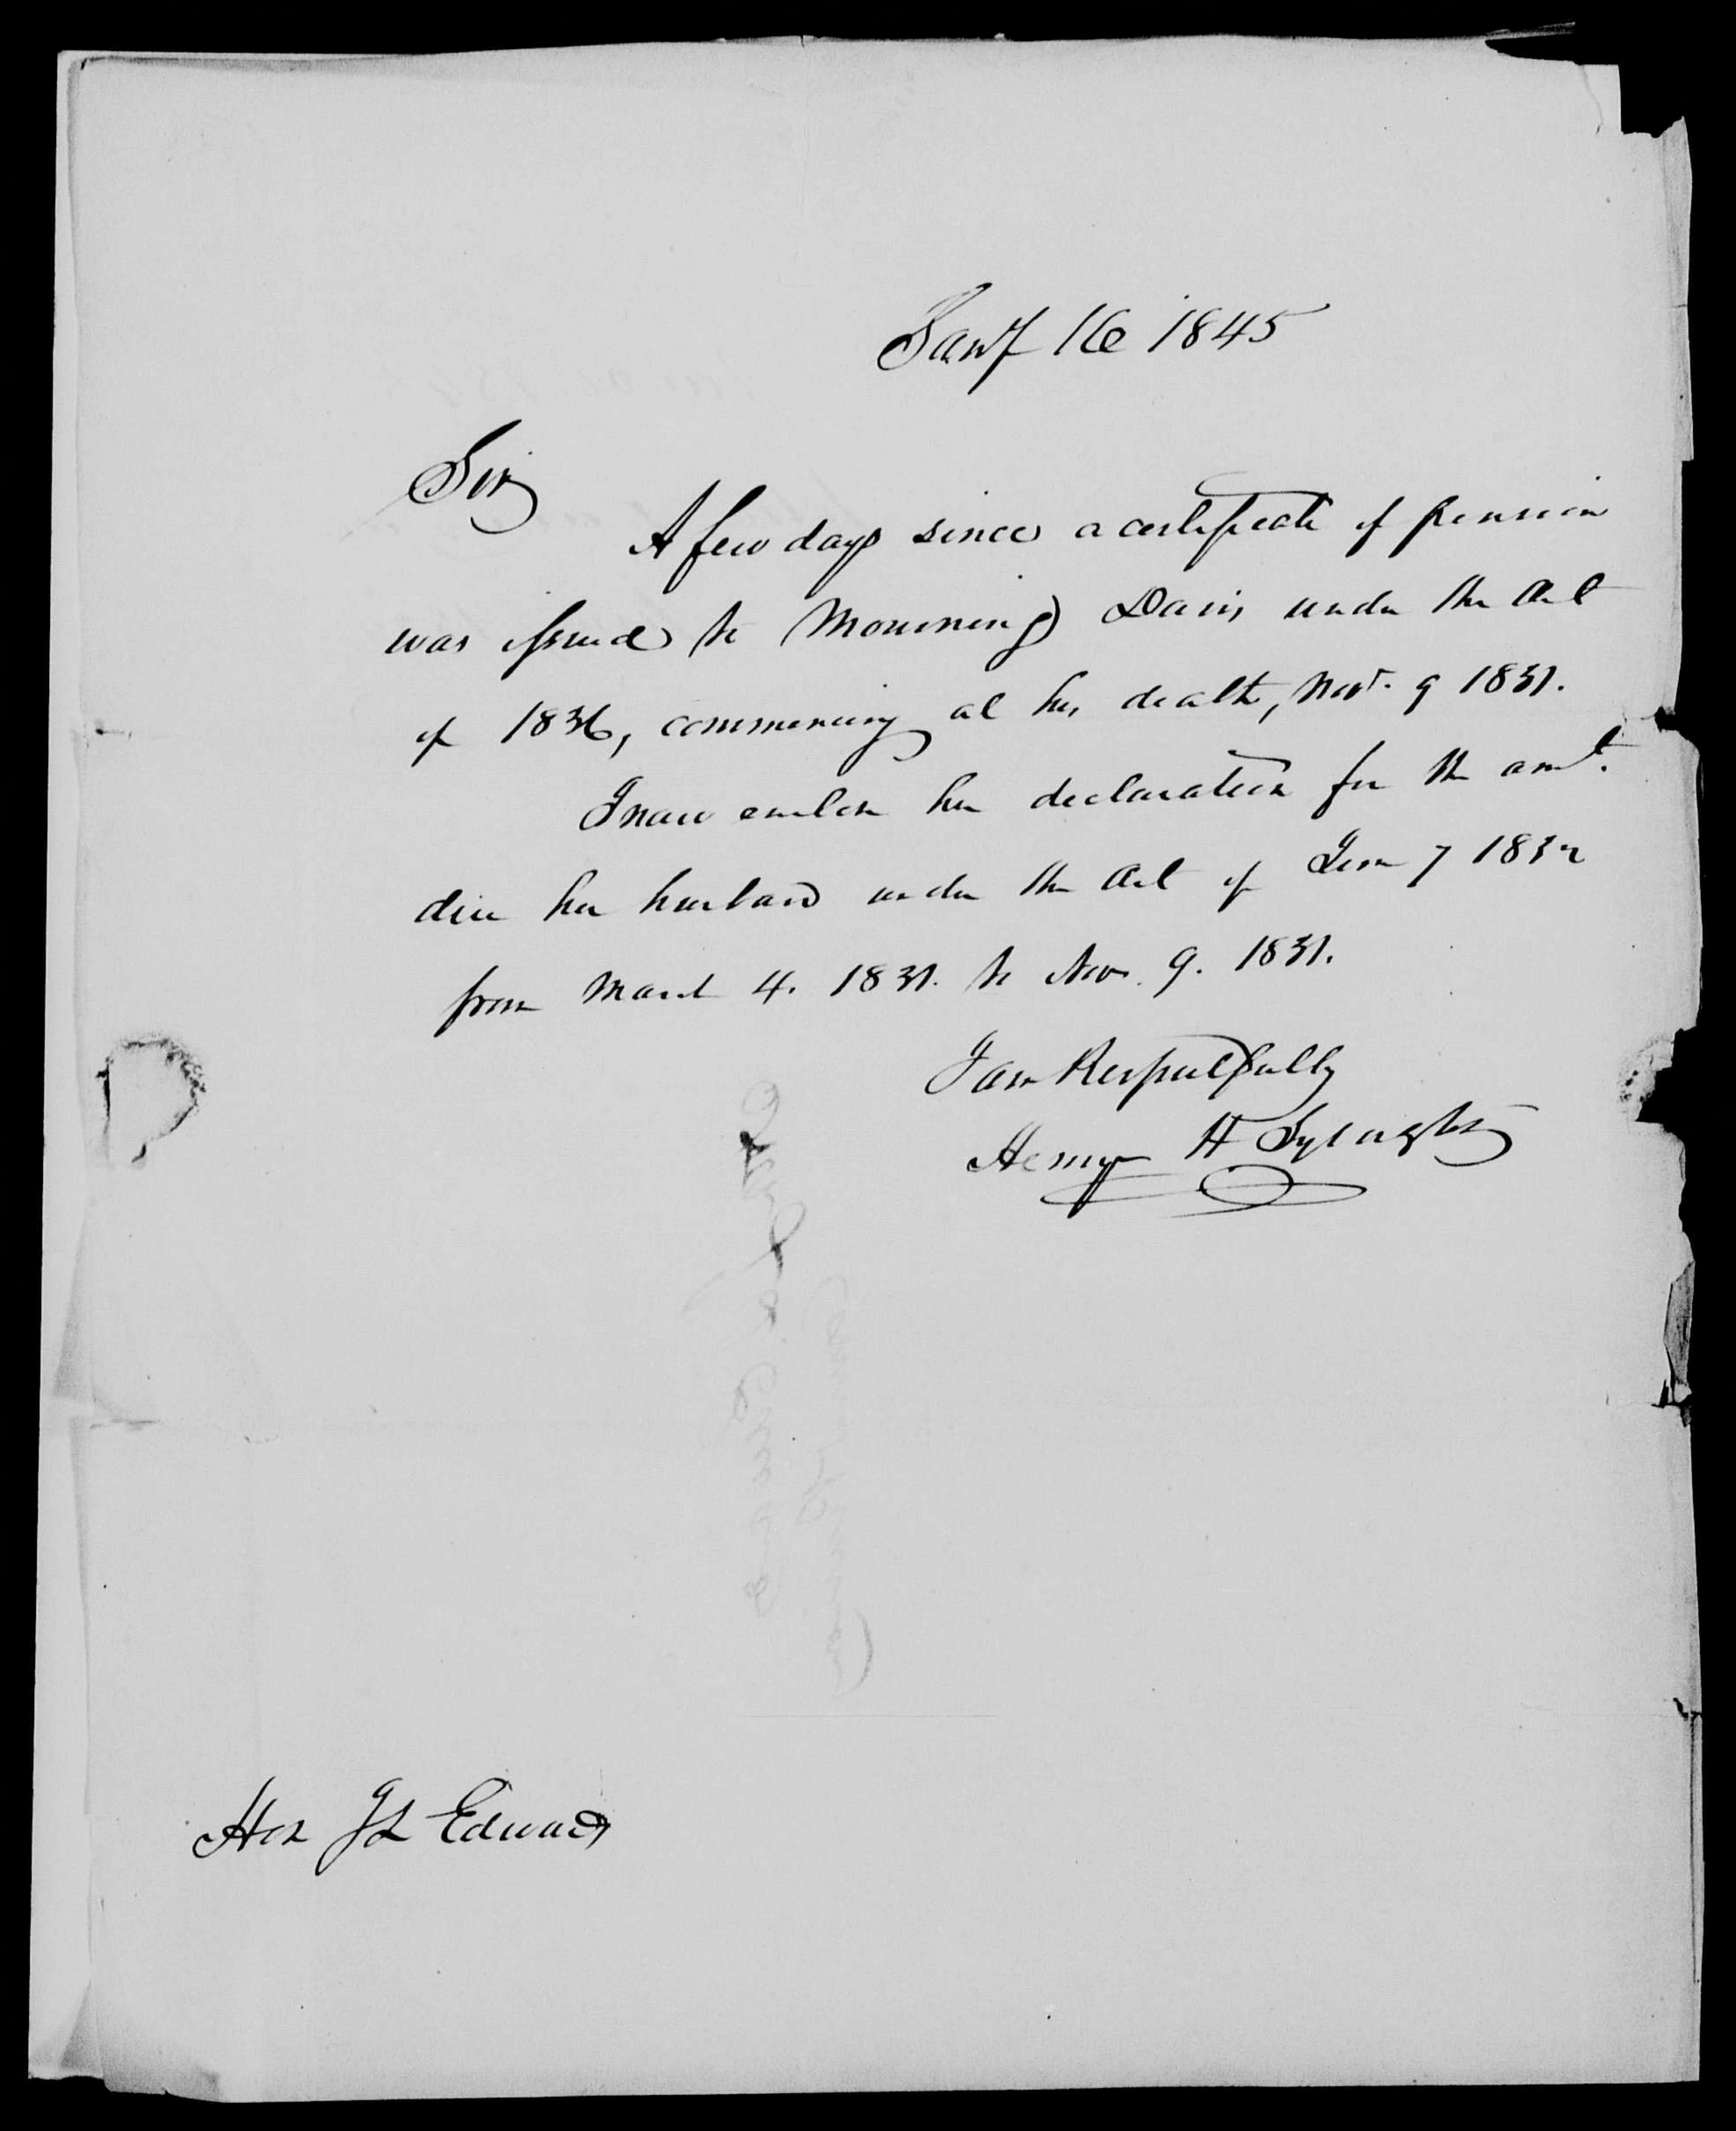Jany 16 1845

Sir

A few days since a certificate of pension
was  issued to Mourning Davis under the A.C.
of 1836, commencing at his death, Nov. 9, 1831.
     I now enter her declaration for the amt.
due her husband under the Act of Jun 7 1832
from March 4, 1831 to Nov. 9, 1831.

I am Respectfully
Henry H. Sylvester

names: Henry H Sylvester, Mourning Davis, J L Edwards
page: 15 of 29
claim: widow's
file: W. 19156, John Davis, N.C.